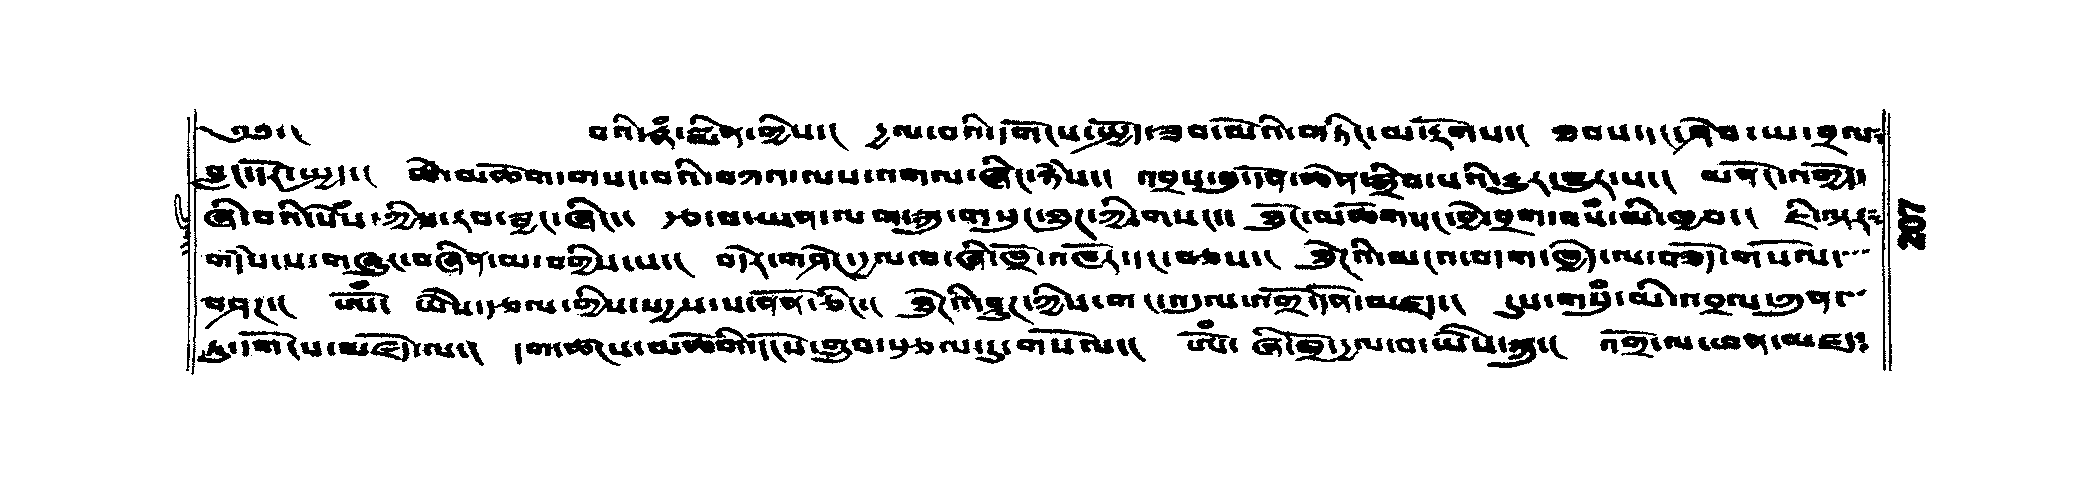བའི་རྣམ་སྨིན་གྱིས། །རྒྱལ་བའི་དགོངས་སྤྱོད་ཟབ་མོའི་གཏིང་མ་རྟོགས། །ཐབས་དང་ཤེས་རབ་ཡ་བྲལ་
བླང་དོར་སྤྱད། །ཆེ་མཆོག་གསང་བའི་བཀའ་ལས་འགལ་ཞིང་ཉམས། །འབྲས་བུ་དོན་ཆེན་སྒྲུབ་པའི་རྒྱུར་འགྱུར་པ། །གནོང་འགྱོད་
ཞི་བའི་སེམས་ཀྱིས་རབ་སྦྱང་ཞིང་། །རྩ་བ་ཡན་ལག་སྐུ་གསུང་ཐུགས་ཀྱི་གསང་། །ཐུན་མོང་མཆོག་དང་བྱེ་བྲག་བསམ་མི་ཁྱབ། །ཇི་ལྟར་
གདམས་པ་གཞུང་བཞིན་མ་འགྱིས་པ། །བདེར་གཤེགས་རྒྱལ་བ་ཞི་ཁྲོ་འཁོར་དག་བཅས། །ཐུགས་རྗེ་མངའ་བདག་ཁྱེད་ལ་བཟོད་གསོལ་
བཤགས། །ཨོཾ། ཡེ་ཤེས་རྩལ་གྱིས་སངས་རྒྱས་ས་ནོན་ཅིང་། །ཐུགས་རྗེའི་ཤུགས་ཀྱིས་གང་འདུལ་འགྲོ་དོན་མཛད། །དུས་གསུམ་མི་འབྲལ་ཀུན་
ཏུ་དགོངས་མཛོད་ལ། །དག་ཚངས་མཆོག་གི་དངོས་གྲུབ་སྩལ་དུ་གསོལ། ། ཨོཾ། ཞི་ཁྲོ་རྒྱལ་བ་ཡེ་ཤེས་སྐུ། །འགྲོ་ལ་ཕན་མཛད་